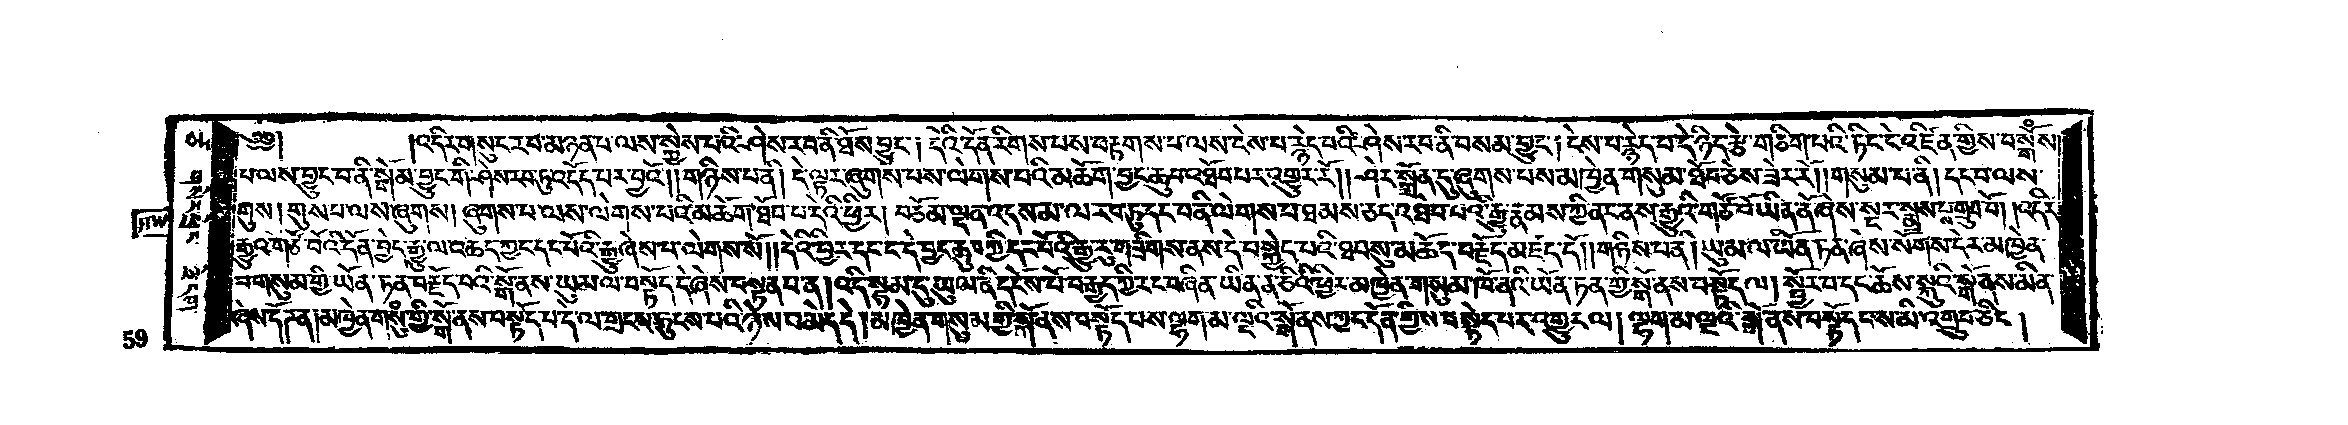༄༅། །འདིར་གསུང་རབ་མཉན་པ་ལས་སྐྱེས་པའི་ཤེས་རབ་ནི་ཐོས་བྱུང་། དེའི་དོན་རིགས་པས་བརྟགས་པ་ལས་ངེས་པ་རྙེད་པའི་ཤེས་རབ་ནི་བསམ་བྱུང་། ངེས་པ་རྙེད་པ་དེ་ཉིད་རྩེ་གཅིག་པའི་ཏིང་ངེ་འཛིན་གྱིས་བསྒོམས་
པ་ལས་བྱུང་བ་ནི་སྒོམ་བྱུང་གི་ཤེས་རབ་ཏུ་འདོད་པར་བྱའོ། །གཉིས་པ་ནི། དེ་ལྟར་ཞུགས་པས་ལེགས་པའི་མཆོག་བྱང་ཆུབ་འཐོབ་པར་འགྱུར་རོ། །ཤེར་སྒྲོན་དུ་ཞུགས་པས་མཁྱེན་གསུམ་ཐོབ་ཅེས་ཟེར་རོ། །གསུམ་པ་ནི། དང་བ་ལས་
གུས། གུས་པ་ལས་ཞུགས། ཞུགས་པ་ལས་ལེགས་པའི་མཆོག་ཐོབ་པ་དེའི་ཕྱིར། བཅོམ་ལྡན་འདས་མ་ལ་རབ་ཏུ་དང་བ་ནི་ལེགས་པ་ཐམས་ཅད་འཐོབ་པའི་རྒྱུ་རྣམས་ཀྱི་ནང་ནས་རྒྱུའི་གཙོ་བོ་ཡིན་ནོ་ཞེས་སྔར་སྨྲས་པས་གྲུབ་བོ། །འདིར་
རྒྱུའི་གཙོ་བོའི་དོན་བྱེད་རྒྱུ་ལ་འཆད་ཀྱང་དང་པོའི་རྒྱུ་ཞེས་པ་ལེགས་སོ། །དེའི་ཕྱིར་དང་བ་དེ་བྱང་ཆུབ་ཀྱི་དང་པོའི་རྒྱུ་རུ་གཟིགས་ནས་དེ་བསྐྱེད་པའི་ཐབས་སུ་མཆོད་བརྗོད་མཛད་དོ། །གཉིས་པ་ནི། ཡུམ་ལ་ཡོན་ཏན་ཞེས་སོགས་དེར་མཁྱེན་
པ་གསུམ་གྱི་ཡོན་ཏན་བརྗོད་པའི་སྒོ་ནས་ཡུམ་ལ་བསྟོད་དེ་ཞེས་བསྟན་པ་ན། འདི་སྙམ་དུ་ཡུམ་ནི་དངོས་པོ་བརྒྱད་ཀྱི་རང་བཞིན་ཡིན་ན་ཅིའི་ཕྱིར་མཁྱེན་གསུམ་ཁོ་ནའི་ཡོན་ཏན་གྱི་སྒོ་ནས་བསྟོད་ལ། སྦྱོར་བ་དང་ཆོས་སྐུའི་སྒོ་ནས་མིན་
ཞེས་དོགས་ན། མཁྱེན་གསུམ་གྱི་སྒོ་ནས་བསྟོད་པ་དེ་ལ་གྲངས་ཉུངས་པའི་ཉེས་པ་མེད་དེ། མཁྱེན་གསུམ་གྱི་སྒོ་ནས་བསྟོད་པས་ལྷག་མ་ལྔའི་སྒོ་ནས་ཀྱང་དོན་གྱིས་བསྟོད་པར་འགྱུར་ལ། ལྷག་མ་ལྔའི་སྒོ་ནས་བསྟོད་པས་མི་འགྲུབ་ཅིང་།